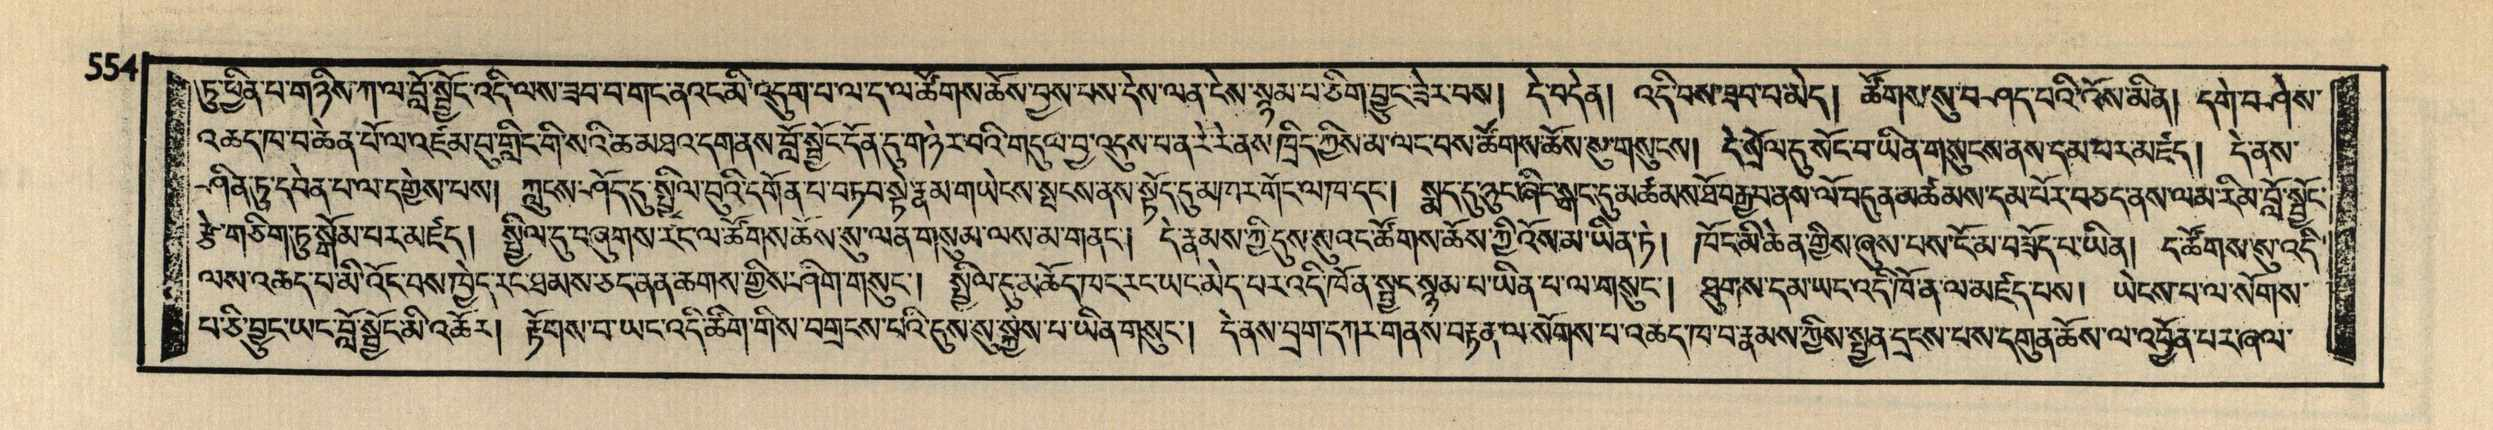ཏུ་ཕྱིན་པ་གཉིས་ཀ་ལ་བློ་སྦྱོང་འདི་ལས་ཟབ་བ་གང་ནའང་མི་འདུག་པ་ལ་ད་ལ་ཚོགས་ཆོས་བྱས་པས་དེས་ལན་ངེས་སྙམ་པ་ཅིག་བྱུང་ཟེར་བས། དེ་བདེན། འདི་བས་ཟབ་བ་མེད། ཚོགས་སུ་བཤད་པའི་འོས་མིན། དགེ་བཤེས་
འཆད་ཁ་བ་ཆེན་པོ་ལ་འཛམ་བུ་གླིང་གི་སའི་ཆ་མཐའ་དག་ནས་བློ་སྦྱོང་དོན་དུ་གཉེར་བའི་གདུལ་བྱ་འདུས་པ་ན་རེ་རེ་ནས་ཁྲིད་ཀྱིས་མ་ལང་བས་ཚོགས་ཆོས་སུ་གསུངས། དེ་སྲོལ་དུ་སོང་བ་ཡིན་གསུངས་ནས་དམ་པར་མཛད། དེ་ནས་
ཤིན་ཏུ་དབེན་པ་ལ་དགྱེས་པས། ཀླུངས་ཤོད་དུ་སྤྱིལ་བུའི་དགོན་པ་བཏབ་སྟེ་རྣམ་གཡེངས་སྤངས་ནས་སྟོད་དུ་མཁར་གོང་ལ་ཁ་དང་། སྨད་དུ་ཉུང་ཞིང་སྒང་དུ་མཚམས་ཐོབ་རྒྱབ་ནས་ལོ་བདུན་མཚམས་དམ་པོར་བཅད་ནས་ལམ་རིམ་བློ་སྦྱོང་
རྩེ་གཅིག་ཏུ་སྒོམ་པར་མཛད། སྤྱིལ་དུ་བཞུགས་རང་ལ་ཚོགས་ཆོས་སུ་ལན་གསུམ་ལས་མ་གནང་། དེ་རྣམས་ཀྱི་དུས་སུའང་ཚོགས་ཆོས་ཀྱི་འོས་མ་ཡིན་ཏེ། ཁོང་མི་ཆེན་གྱིས་ཞུས་པས་ངོ་མ་བཟོད་པ་ཡིན། ད་ཚོགས་སུ་འདི་
ལས་འཆད་པ་མི་འོང་བས་ཁྱེད་རང་ཐམས་ཅད་ནན་ཆགས་གྱིས་ཤིག་གསུང་། སྤྱིལ་དུ་མཆོད་ཁང་རང་ཡང་མེད་པར་འདི་ཁོ་ན་སྦྱང་སྙམ་པ་ཡིན་པ་ལ་གསུང་། ཐུགས་དམ་ཡང་འདི་ཁོ་ན་ལ་མཛད་པས། ཡེངས་པ་ལ་སོགས་
པ་ཅི་བྱུང་ཡང་བློ་སྦྱོང་མི་འཆོར། རྟོགས་པ་ཡང་འདི་ཚིག་གིས་བགྲངས་པའི་དུས་སུ་སྐྱེས་པ་ཡིན་གསུང་། དེ་ནས་བྲག་དཀར་གནས་བརྟན་ལ་སོགས་པ་འཆད་ཁ་བ་རྣམས་ཀྱིས་སྤྱན་དྲངས་པས་དགུན་ཆོས་ལ་འབྱོན་པར་ཞལ་